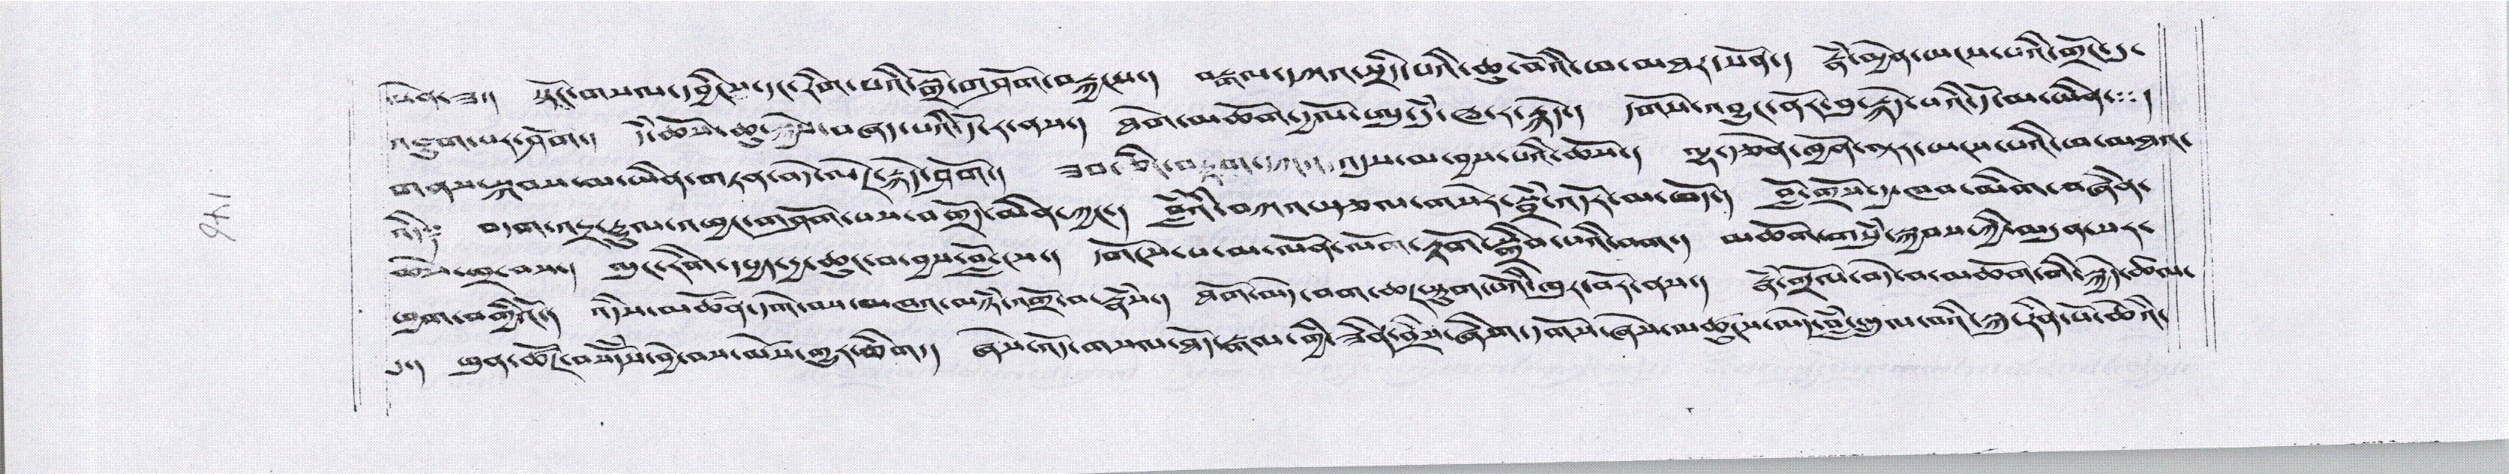ལེན་ཟ། །སྟོང་གསལ་དབྱིངས་དང་རིག་པའི་སྒྲོ་གཤོག་བརྐྱངས། །བརྒལ་དཀའ་སྲིད་པའི་ཆུ་བོའི་ཕ་མཐར་སོན། །རྣམ་མཁྱེན་ཡངས་པའི་གྲོང་དུ་
འཇུག་པར་ཤོག །དམ་ཆོས་ཆུ་སྐྱེས་བཞད་པའི་དོ་ར་ནས། །ཐེག་མཆོག་རྒྱལ་པོ་ཨུ་དུམ་ཝ་ར་རྙེད། །དགོས་འབྱུང་ནོར་བུ་རྙེད་པའི་དོ་མ་ཡིན། །
གནས་སྐབས་མ་ཡིན་གཏན་བདེ་ལེགས་རྙེད་ཤོག །ཟབ་ཅིང་བརྟག་དཀའ་འདུས་མ་བྱས་པའི་ཆོས། །ལྷ་རྩེན་ཁྱོན་ལྟར་ཡངས་པའི་ཕ་མཐའ་
འདི། །བདག་འདྲ་རྡུལ་འཕྱང་གཤོག་པས་བགྲོད་མིན་ཀྱང་། །བླ་མའི་བཀའ་སྩལ་གསེར་སྦྲམ་འདོར་མ་ཕོད། །བློ་གྲོས་རྒྱ་ཁབ་མིག་བཞིན་
ཆེས་ཕྲ་བས། །ལུང་རིགས་དཔྱད་རྒྱ་ཆུང་བ་བྱིས་བློ་ངས། །དགོངས་པ་མ་ལོན་ལོག་རྟོག་སྒྲིབ་པའི་བག །མཆོག་གསུམ་སྐྱབས་ཀྱི་མདུན་སར་
ཕྱག་བགྱིའོ། །འདིས་མཚོན་དགེ་བས་མཁའ་མཉམ་འགྲོ་བ་རྣམས། །ཐོག་མེད་བག་ཆགས་སྟུག་པོའི་ཁུར་བོར་ནས། །རྣམ་གྲོལ་བདེ་བ་མཆོག་གི་སྐྱེད་ཚལ་
དུ། །ཕུན་ཚོགས་བསོད་ནམས་བྱེ་བས་མཛེས་གྱུར་ཅིག། །།ཞེས་འོིད་གསལ་ཐོད་རྒལ་གྱི་ཟིན་བྲིས་ཤིག་དགོས་ཞེས་མཚུངས་མེད་བླ་མ་སྤྲུལ་པའི་སྐུ་རིན་པོ་ཆེས་